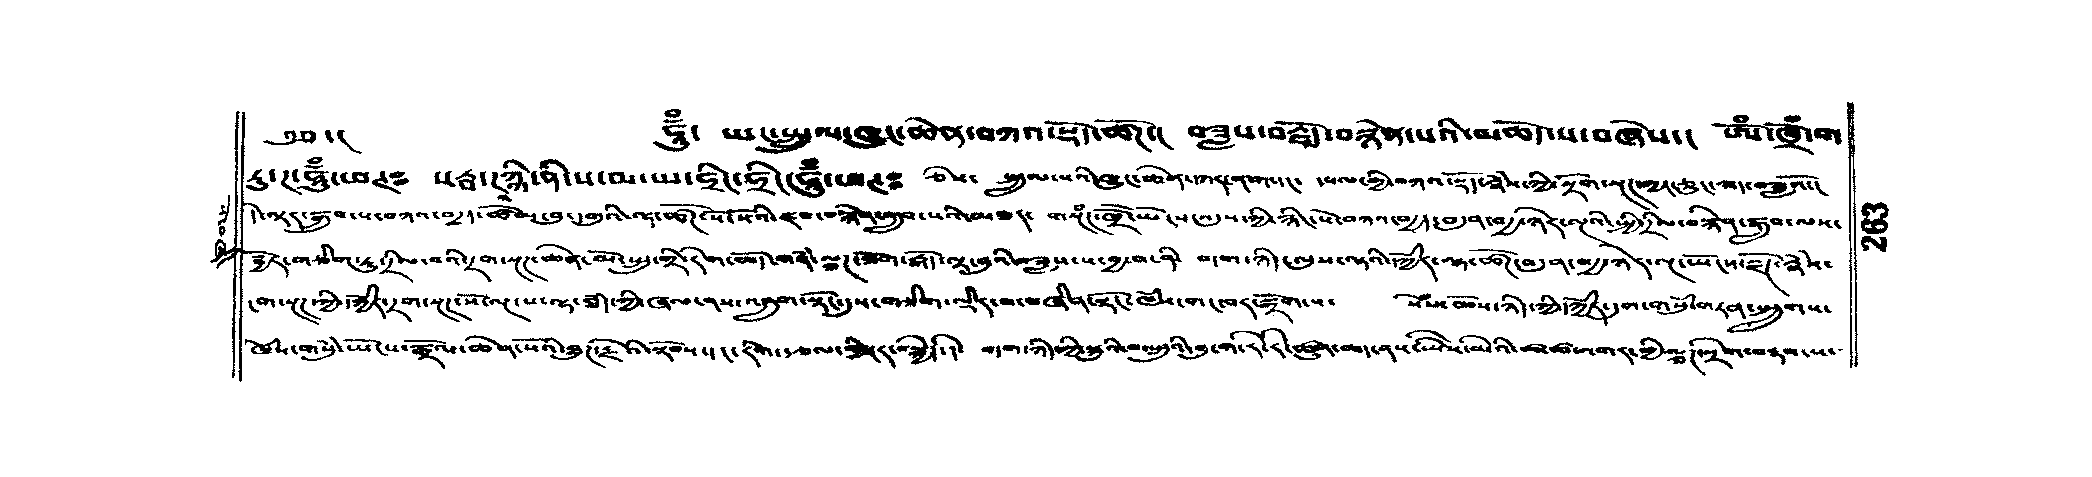ཧཱུྃ། ཡང་སྤྲུལ་ཁྱུང་ཆེན་བཀའ་སྡོད་ཚོགས། །བཟླས་བརྗོད་བསྙེན་པའི་མཆོད་པ་བཞེས། །ཨོཾ་ཁྲོཾ་ག་
རུ་ཌ་ཧཱུྃ་ཕཊཿ སརྦ་ཌཱཀྐི་ནི་ས་མ་ཡ་ཧྲིང་ཧྲིང་ཧཱུྃ་ཕཊཿ ཅེས་སྤྲུལ་བའི་ཁྱུང་ཆེན་དཀར་ནག་དང་། དཔལ་གྱི་བཀའ་སྡོད་རྣམས་ཀྱི་སྲོག་སྔགས་ཀྱང་ཅུང་ཟད་བཟླའོ། 
དེ་ལྟར་སྒྲུབ་པ་བཀའ་བརྒྱད་ཚོམ་བུ་དགུའི་ལྷ་ཚོགས་སོ་སོའི་འཛབ་བསྙེན་སྒྲུབ་པའི་མཐར། གསང་སྔགས་ཁྲོ་བོ་ཡོངས་འདུས་ཀྱི་སྙིང་པོ་བཀའ་བརྒྱད་བདུན་བརྒྱ་ཉེར་ལྔའི་སྤྱི་དྲིལ་བསྙེན་སྒྲུབ་ལས་
སྦྱོར་གཅིག་ཏུ་དྲིལ་བའི་དྲག་སྔགས་ཆེན་མོ་སྤུ་གྲི་རེག་ཆོད་གནས་ལྕགས་ཐོག་རྒོད་ལྟ་བུའི་བཟླས་པ་བྱ་བ་ནི། བདག་ཉིད་ལུས་ལྷའི་དཀྱིལ་འཁོར་ལྷ་ཚོགས་བདུན་བརྒྱ་ཉེར་ལྔ་ཡོངས་རྫོགས་རྣམས་
ངག་སྔགས་ཀྱི་དཀྱིལ་འཁོར་དྲག་སྔགས་སོ་ལྔ་པ་ལྷ་ཐམས་ཅད་ཀྱི་ཞལ་ནས་འབྲུག་སྟོང་དུས་གཅིག་ལྡིར་བ་བཞིན་སྟོང་ཁམས་གང་བར་སྒྲོག་པ། སེམས་ཆོས་ཉིད་ཀྱི་དཀྱིལ་འཁོར་དུག་གསུམ་གཏན་སྤྲུགས་
ཁམས་གསུམ་ཡོངས་སྒྲོལ་ཆེན་པོའི་ཐུགས་རྗེའི་སྟོབས་དང་རིག་རྩལ་གྱི་ངར་བསྐྱེད་དེ། བདག་ཉིད་ཀྱི་སྐུའི་བ་སྤུའི་བུ་ག་རེ་རེ་ཚུན་ཆད་ནས་ཡེ་ཤེས་ཀྱི་མེའི་ཚ་ཚ་གར་གྱི་ལྕགས་སྲེག་བརྡབ་པ་